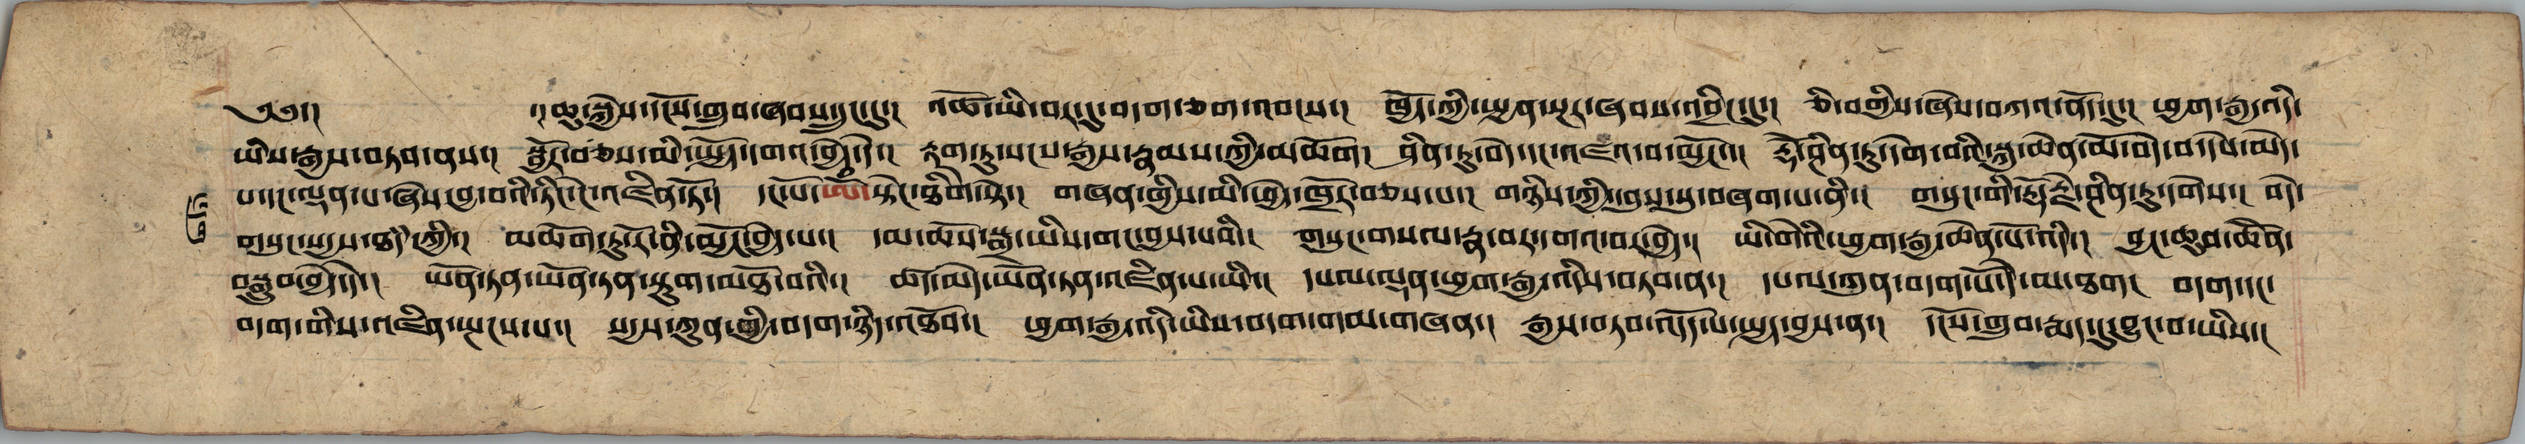༄༅་། ་།ཆུ་སྐྱེས་དངོས་གྲུབ་ཞབས་དྲུང་དུ་། འཚོ་ཡི་བར་དུ་བདག་ཅག་འབངས་། ཁྱོད་ཀྱིསྤྱན་སྔར་ཞབས་འབྲིང་དུ་། ཅི་བགྱིས་ཞེས་བཀའ་ནོད་དུ་། ཕྱག་རྒྱ་འདི་
ཡིས་རྒྱས་བཏབ་ནས་། སྦྱོར་བཅས་མི་སྤྱོད་དགའ་བྱེད་དེ་། རྟག་ཏུ་སངས་རྒྱས་རྣམས་ཀྱི་མཆོག། ཤིན་ཏུ་བདེ་དང་འཛའ་བ་མྱོང་་། རྡོེ་ཤིན་ཏུ་དགེ་བའི་སྐུ་ཆེན་མོ་བདེ་བ་དཔེ་མེད་
པ་དང་ལྡན་པ་ཞེས་བྱ་བའི་ཏིང་ངེ་འཛིན་ཏོ་།། དང་པོ་ཨོཾ་སྟེང་ཐིགེ་སྟེ་། གཞན་གྱིས་མི་ཕྱེད་ཁྲོར་བཅས་པ་། གཉིས་ཀྱི་དབུས་སུ་བཞག་པ་ནི་། གསང་གི་རྡོ་རྗེ་ཤིན་ཏུ་དགེས་། བདེ་
གསུང་སདྱས་ཐདཾ་ཀྱི་། མཆོག་ཏུ་རོ་ནི་མྱོང་བྱེད་པ་། དམ་ཆོས་སྒྲ་ཡིས་གང་བྱས་པའི་། གསང་གསལ་རྣ་བར་དགའ་བར་བྱེད་། ཡི་གེའི་ཕྱག་རྒྱ་ཆེན་པོ་འདི་། བྱང་ཆུབ་ཆེནོ་
བསྒྲུབ་བྱེད་དེ་། ཡོན་ཏན་ཡོན་ཏན་སྟུག་མཐོ་བའི་། ཚད་མེད་ཡོན་ཏན་འཛིན་པ་ཡི་། དཔལ་ལྡན་ཕྱག་རྒྱ་འདིས་བཏབ་ན་། དཔལ་ཀུན་བདག་པོ་དེ་མ་ཐག་། བདག་དང་
བདག་གིས་འཛིན་སྤངས་པ་། སདྱས་ཀུན་གྱི་བདག་ཉིད་འཐོབ་། ཕྱག་རྒྱ་འདི་ཡིས་བདག་གམ་གཞན་། རྒྱས་བཏབ་འདོད་པ་སྤྱད་བྱས་ན་། དངོས་གྲུབ་རྨད་དུ་བྱུང་བ་ཡིས་།